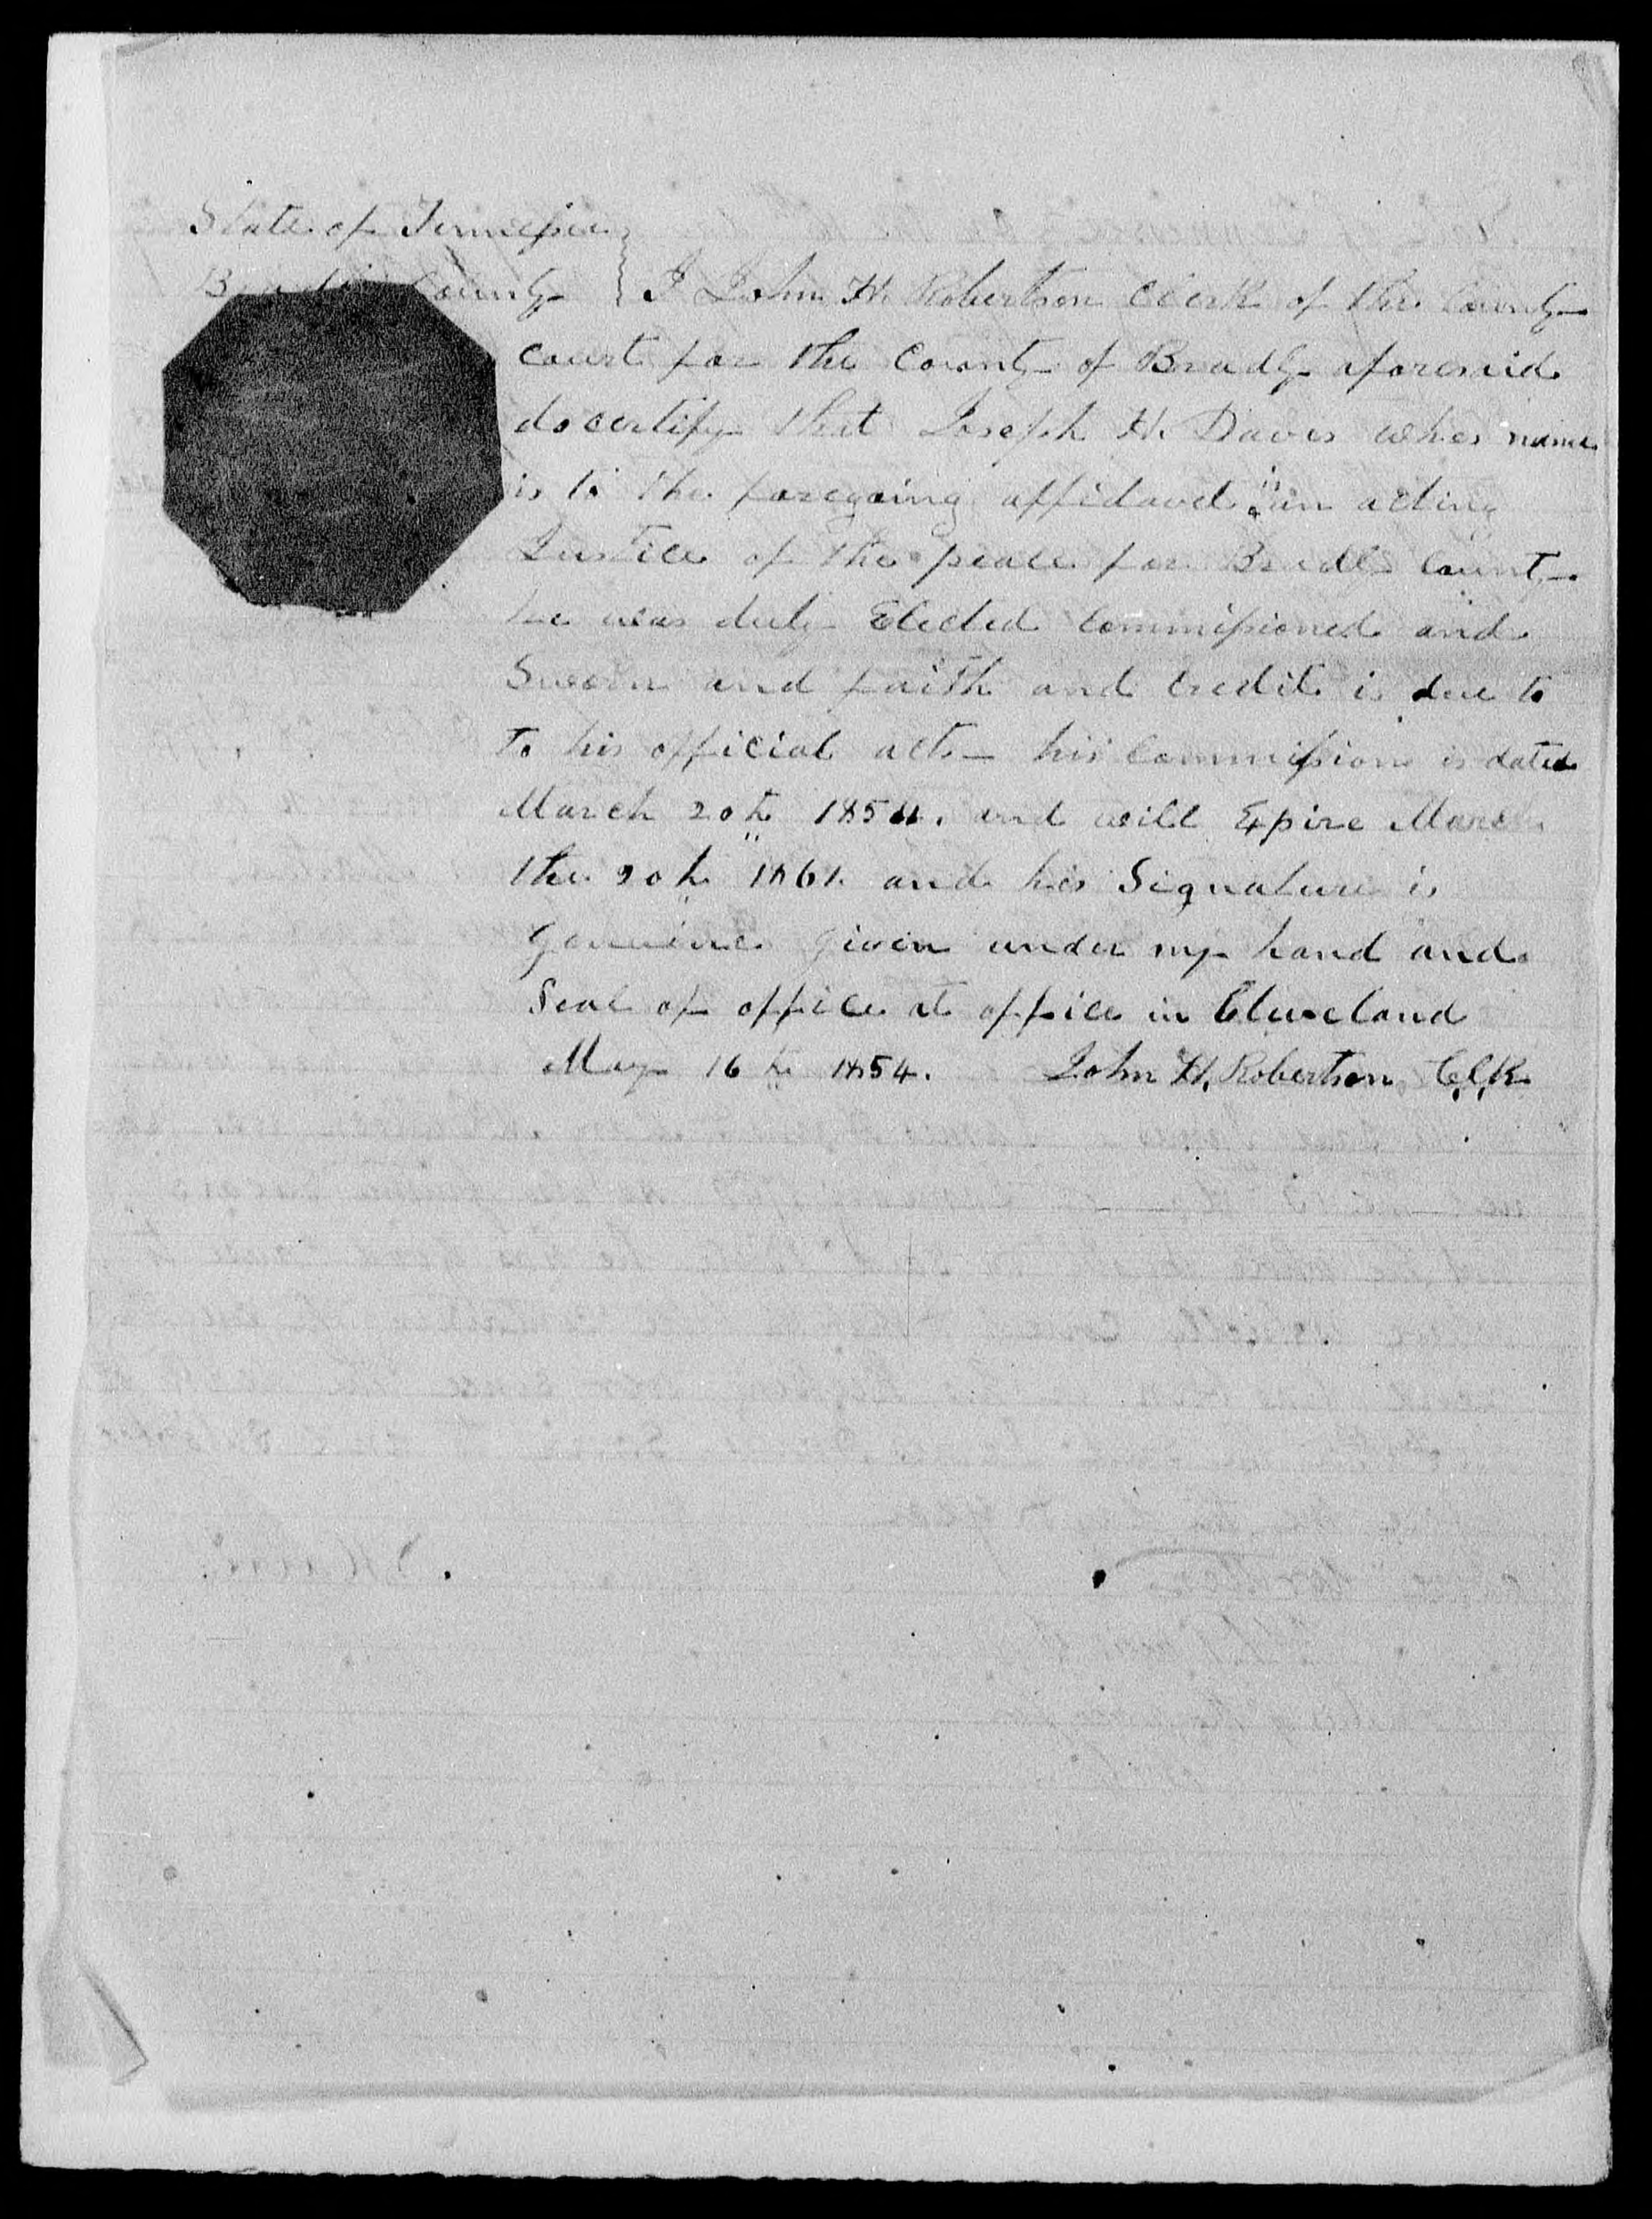State of Tenneessee}
Bradly County}

I John H. Robertson Clerk of the County Court for the County of Bradly aforesaid do certify that Joseph H. Davis whos name is to the foregoing affidavit an acting Justice of the Peace for Bradly County he was duly Elected Commissioned and Sworn and faith and credit is due to to [sic] his official acts--his Commission is dated March 20th 1854, and will expire March the 20th 1861 and his Signature is Genuine.  Given under my hand and Seal of office at offices in Cleveland.
May 15th 1854.  John H. Robertson Clk.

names: John H Robertson, John H Robertson, Joseph H Davis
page: 5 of 160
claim: rejected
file: R. 4666, James Harris, Va.